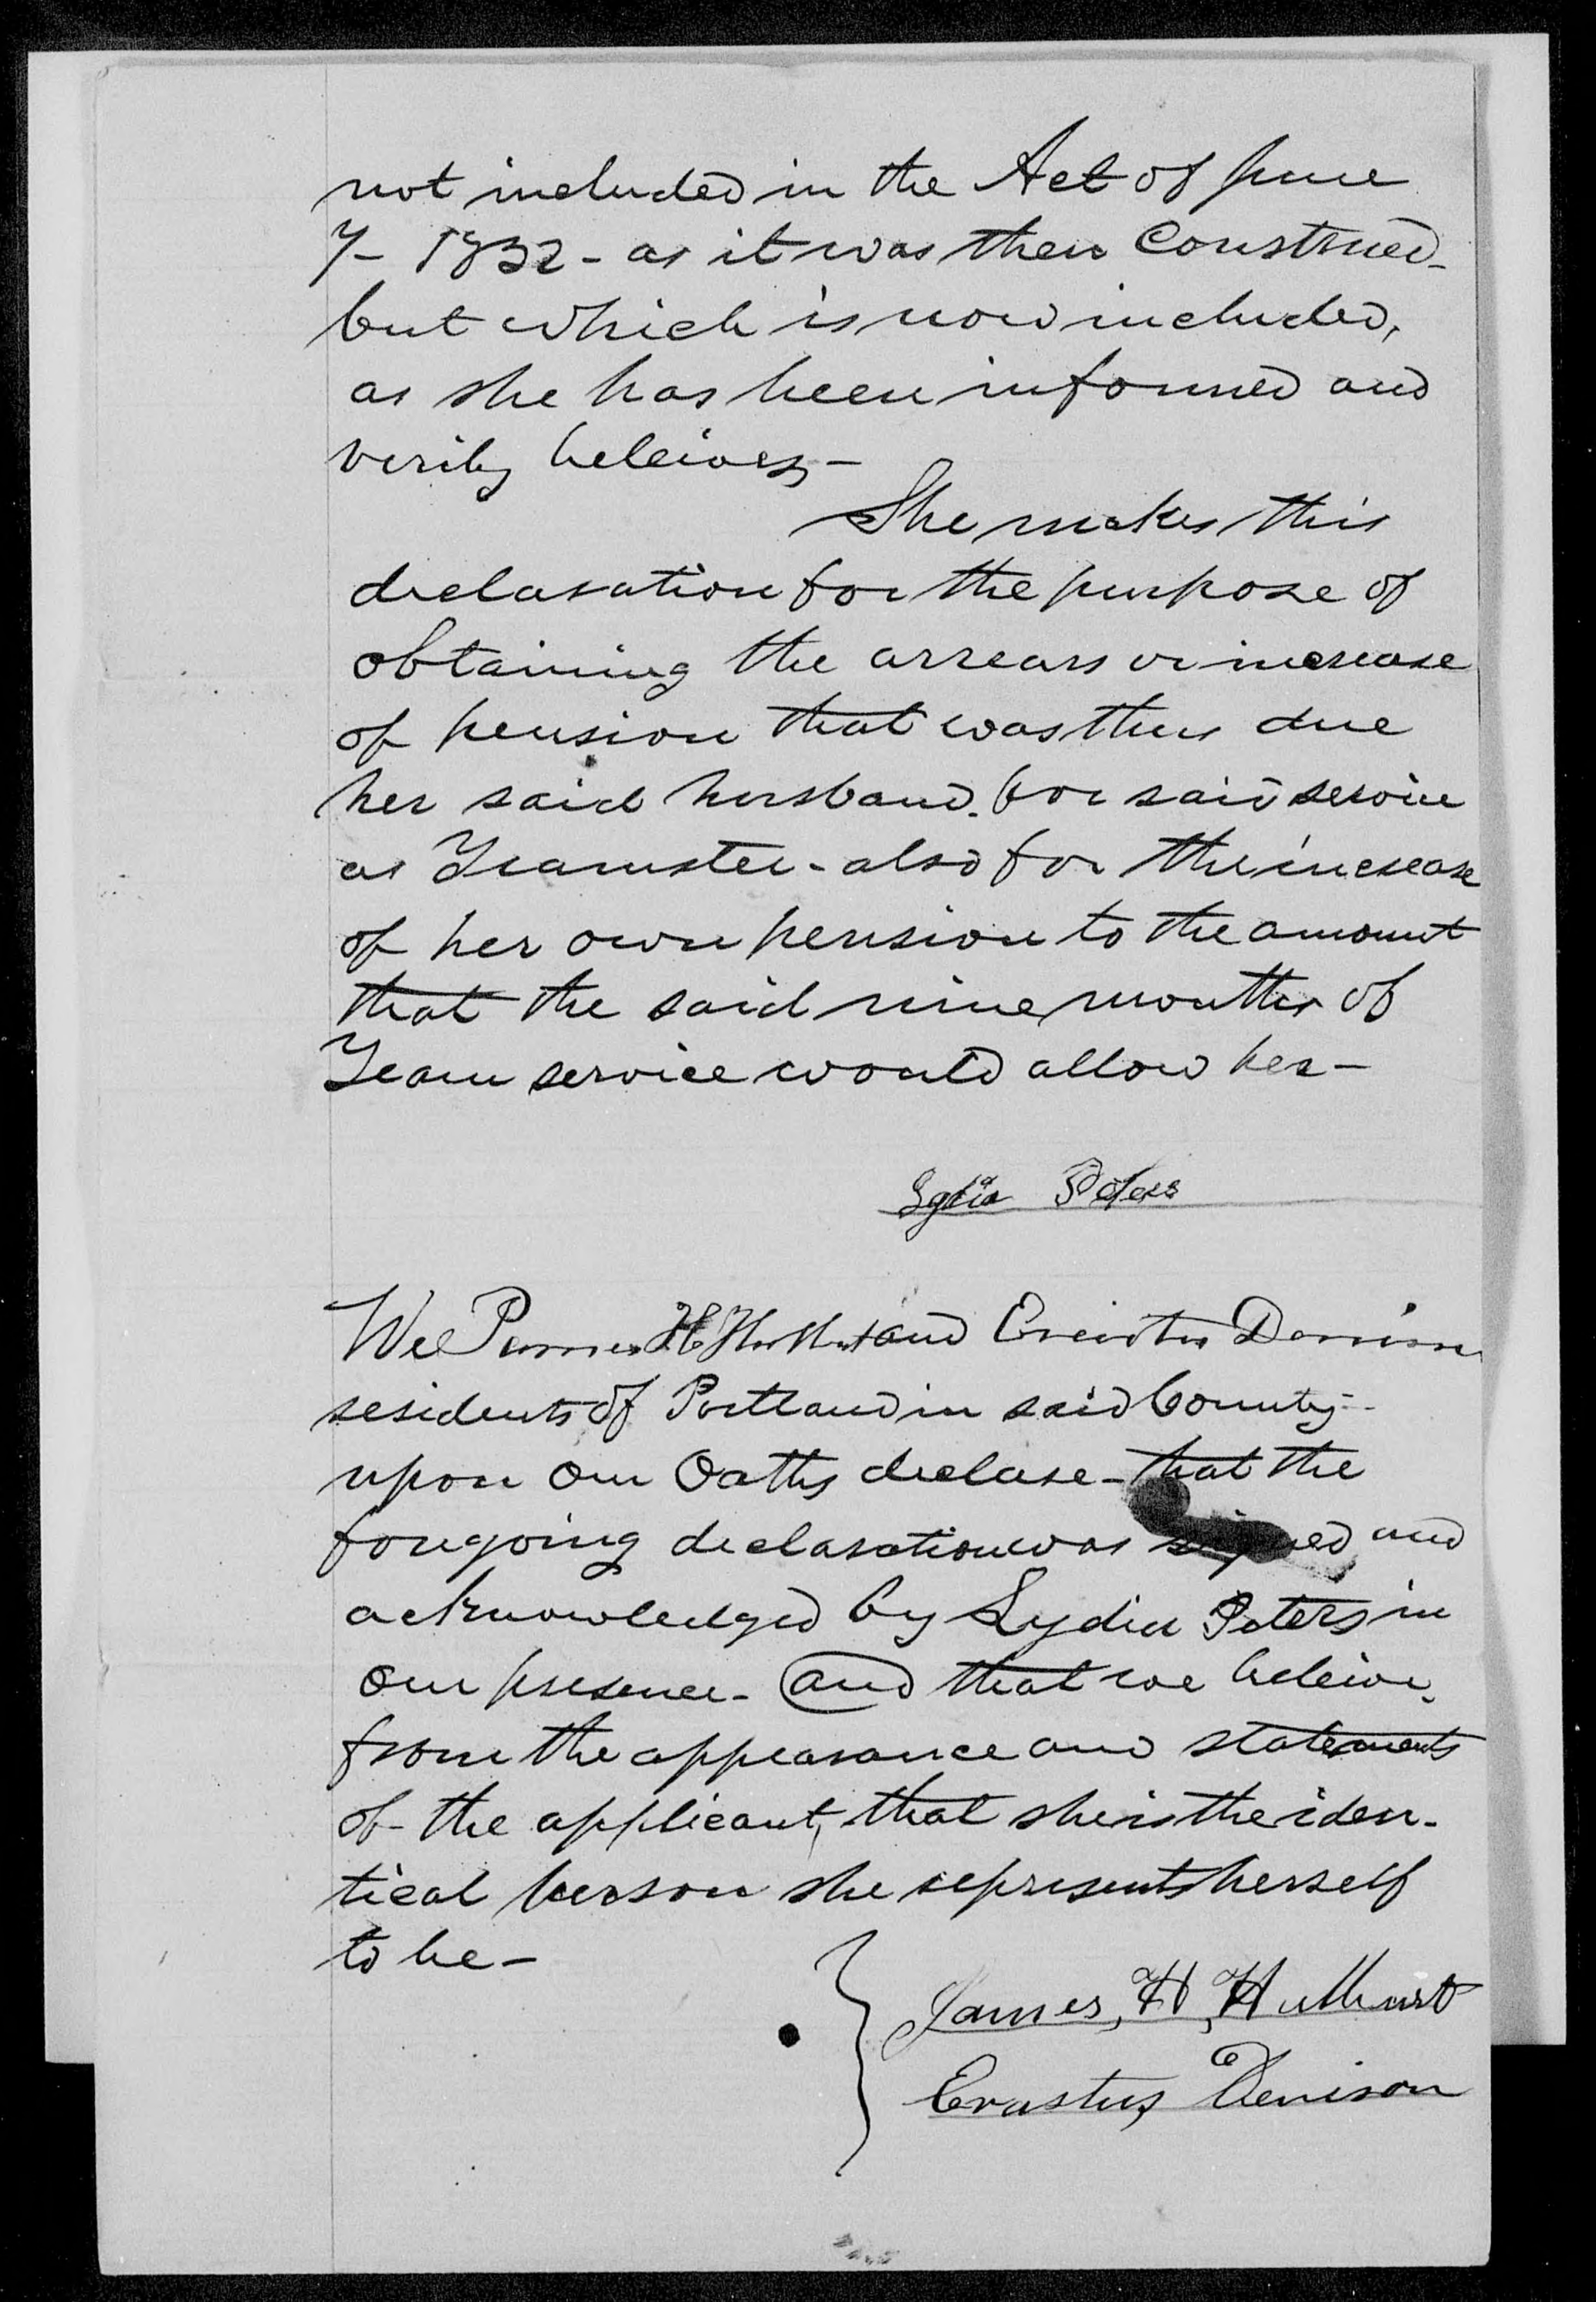not included in the Act of June 7, 1832, as it was their Construed but which is now included as she has been informed and verily believes.   
She makes this declaration for the purpose of obtaining the arrears or increase of pension that was their due her said husband for said service as Teamster, also for the increase of her own pension to the amount that the said nine months of Team service would allow her.
Lydia Peters 
We James H Hulburt and Erastus Denison  residents of Portland in said County upon our oaths declare that the foregoing declaration was signed and acknowledged by Lydia Peters in our presence and that we believe from the appearance and statements of the applicant that she is the identical person she represents herself to be.  
{ James H Hulburt 
Erastus Denison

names: Erastus Denison; James H Hulburt; Lydia Peters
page: 70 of 73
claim: widow's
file: W. 2338, for Joseph P Peters, Connecticut